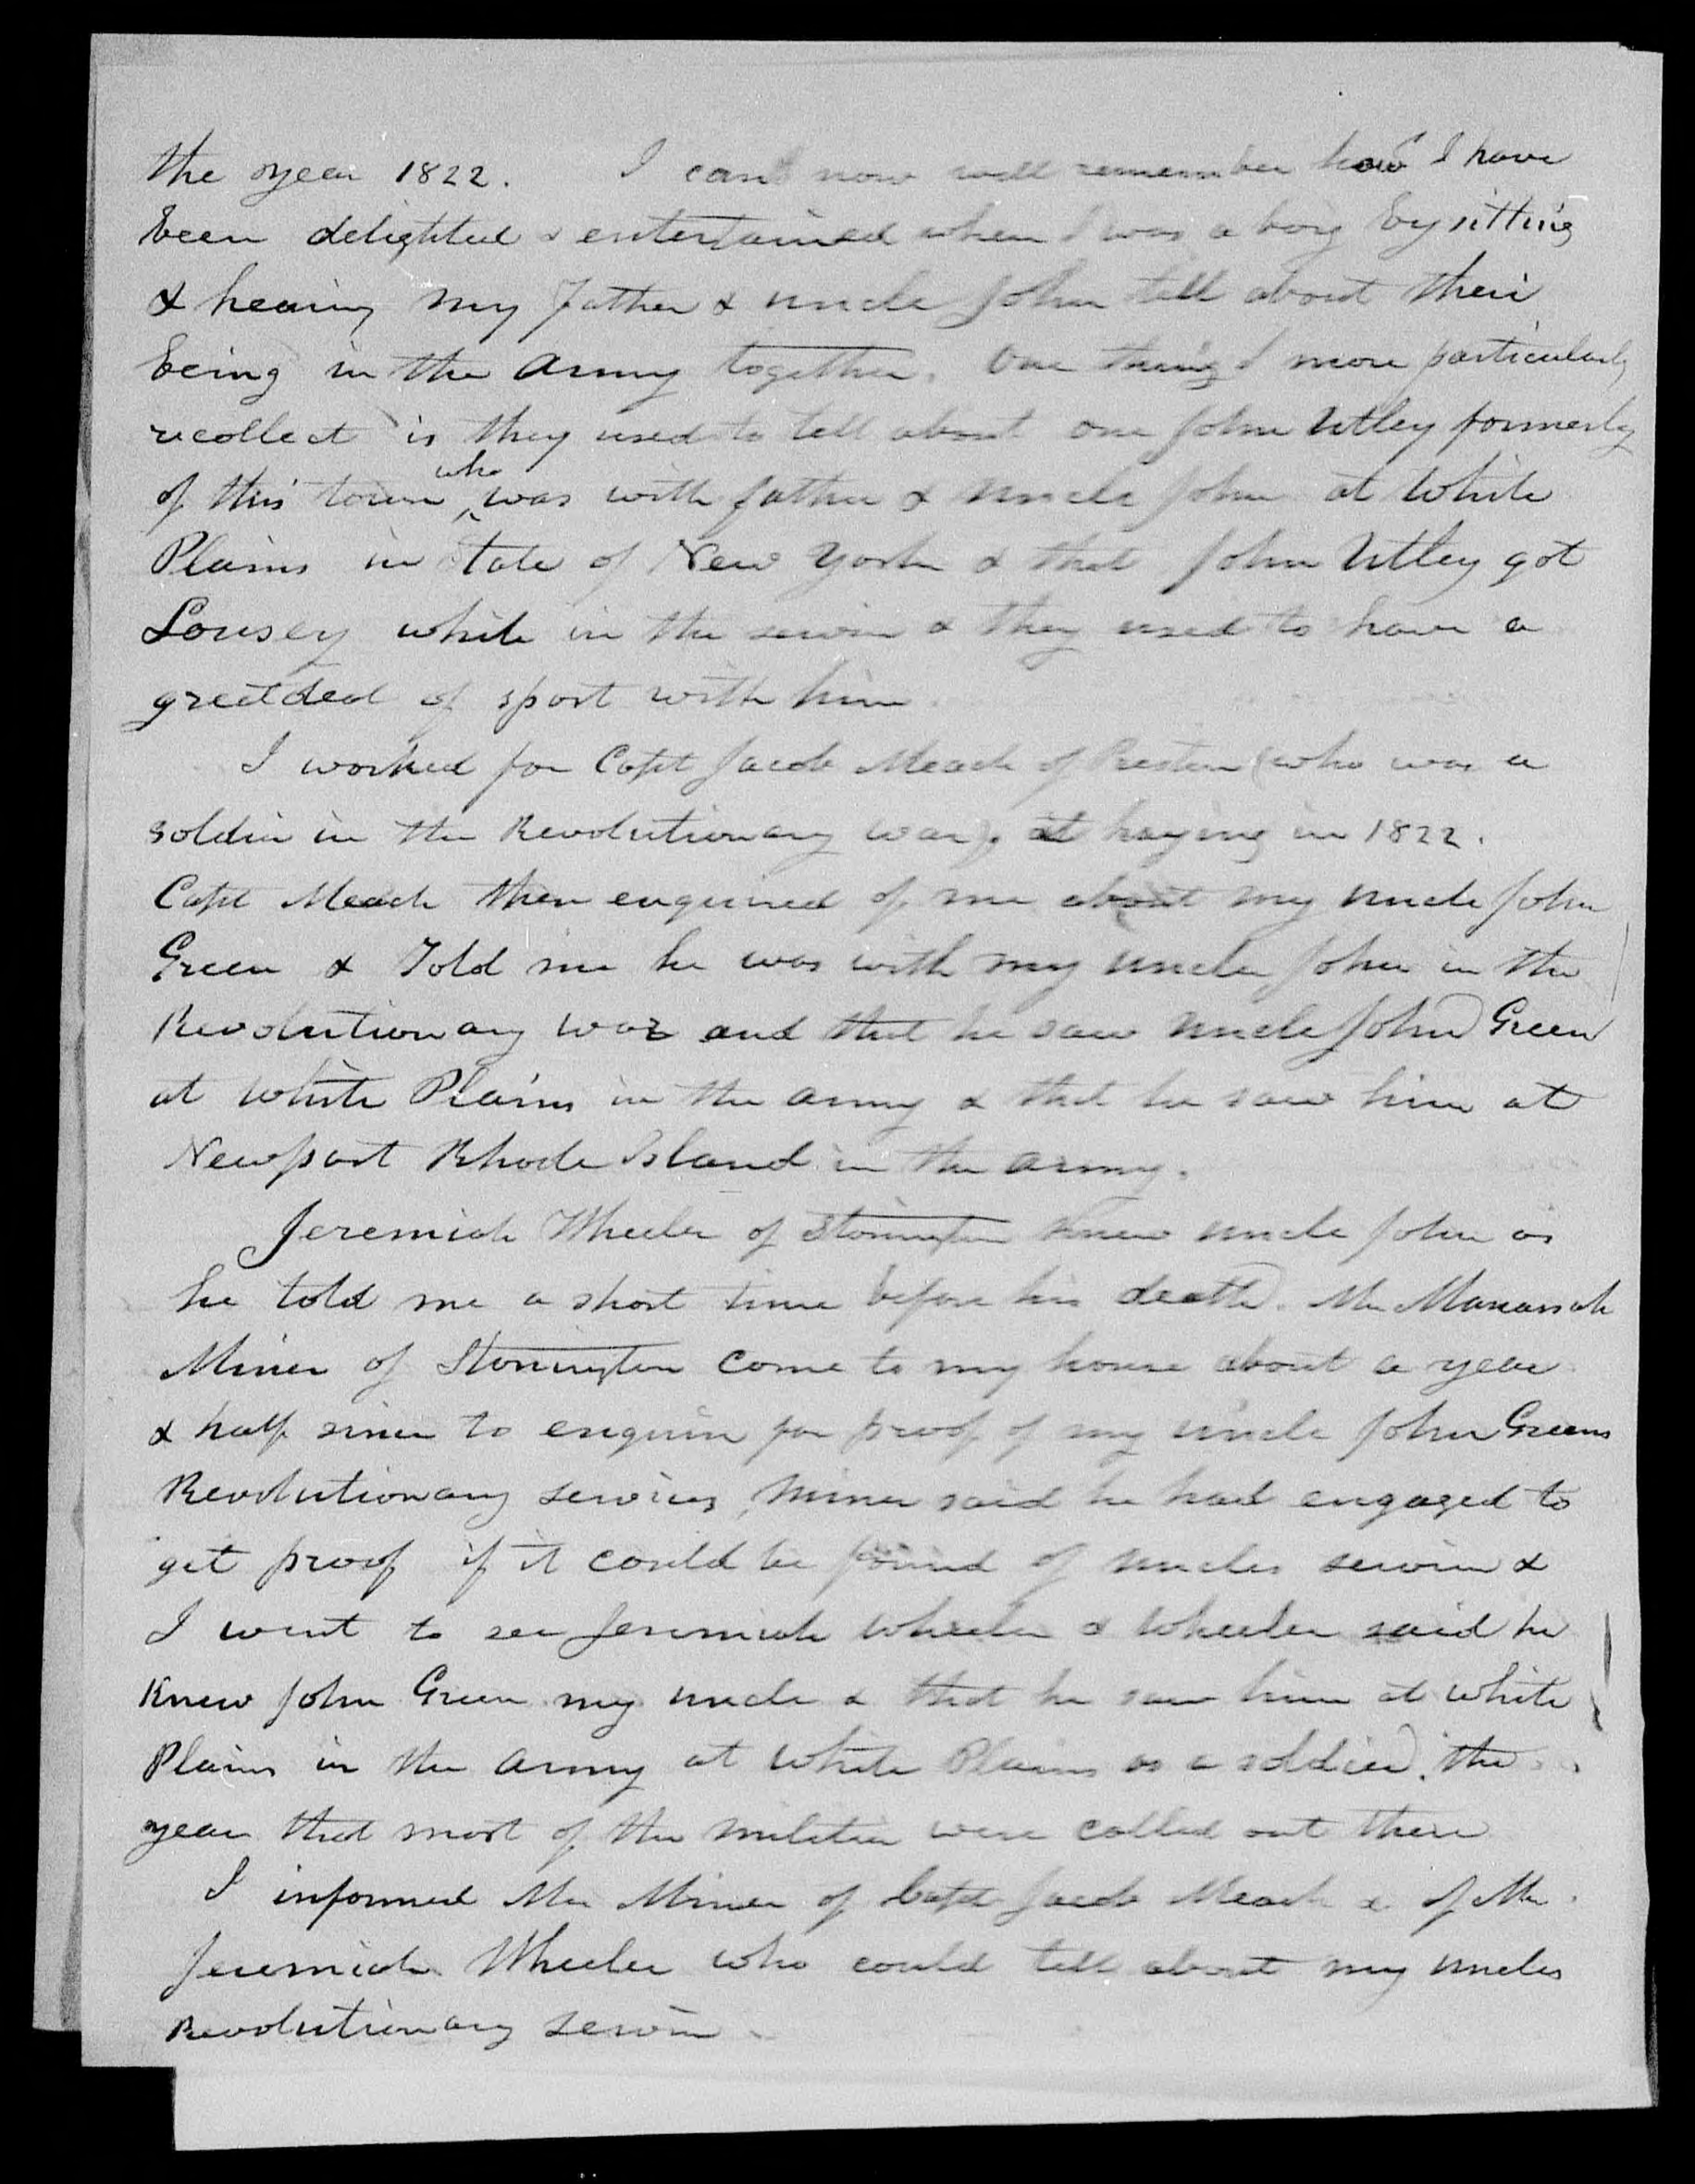the year 1822. I can now well remember how I have been delighted and entertained when I was a boy by sitting and hearing my father and uncle John talk about their being in the Army together. One thing I more particularly recollect is they used to tell about one John Utley formerly of this town who was with father and uncle John at White Plains in the state of New York and that John Utley got Lousey while in the service and they used to have a great deal of sport with him.
I worked for Capt Jacob Meach of Preston (who was a soldier in the Revolutionary War) at [haying in 1822. Capt Meach then enquired of me about my uncle John Green and told me he was with my uncle John in the Revolutionary War and that he saw uncle John Green at White Plains in the army and that he saw him at Newport Rhode Island in the army.
Jeremiah Wheeler of Stonington knew uncle John or he told me a short time before his death. Mr. Manassah Miner of Stonington come to my house about a year and a half since to enquire for proof of my uncle John Green's Revolutionary services. Miner said he had engaged to get proof if it could be found of uncle's service and I went to see Jeremiah Wheeler and Wheeler said he knew John Green my uncle and that he saw him at White Plains in the Army at White Plains as a soldier the year that more of the militia were called out there.
I informed Mr. Miner of Capt Jacob Meach and  of Mr. Jeremiah Wheeler who could talk about my uncle's Revolutionary service.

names: Jacob Meach, Lousey, John Utley, John Utley, John Green, Manassah Miner, John Green, Jeremiah Wheeler, Miner, John, Jeremiah Wheeler, Miner, John Green, John Green, John, Jeremiah Wheeler, John, Jacob Meach, Jeremiah Wheeler, John, Meach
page: 8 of 40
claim: rejected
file: R. 4251, John Green, Conn.